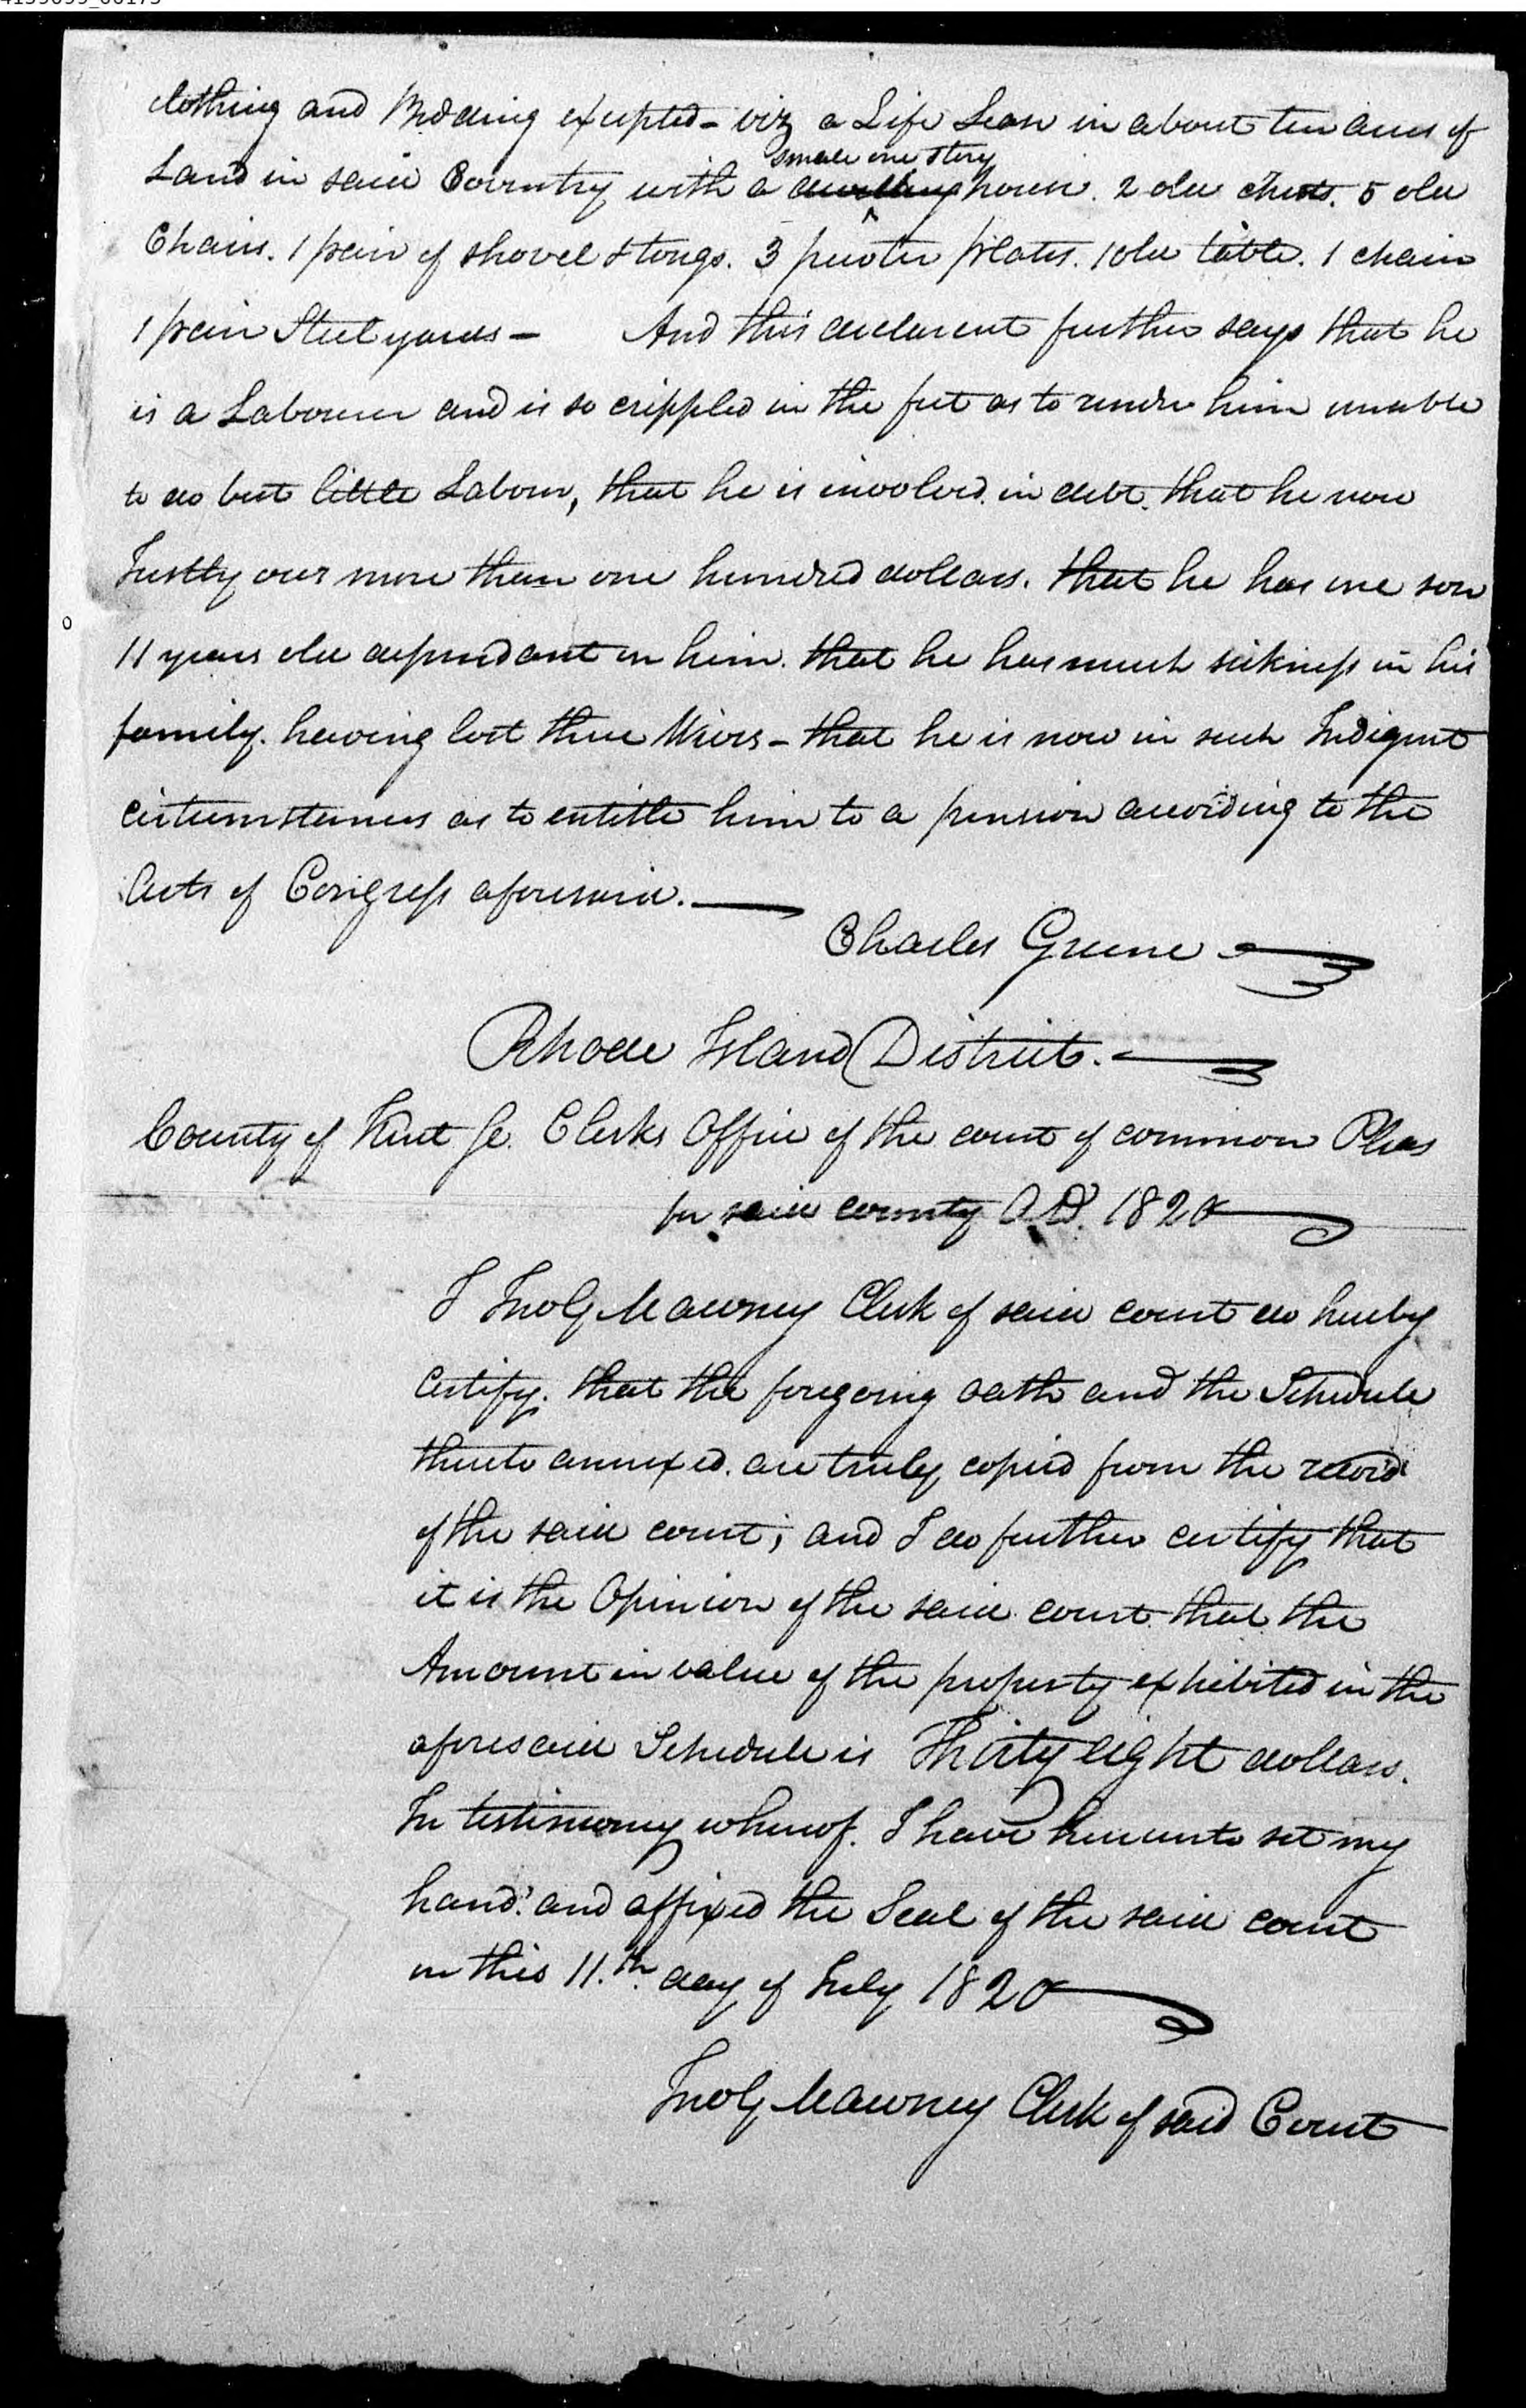clothing and bedding excepted - viz a Life Lean in about ten acres of Land in said Coventry with a small one story house. 2 old chests. 5 old chairs. 1 pair of shovel & tongs. 3 pewter plates. 1 old table. 1 chair 1 pair steel yards - And this declarant further says that he is a Laborer and is so crippled in the feet as to render him unable to do but little Labour, that he is involved in debt that he owe Forty or more than one hundred dollars. that he has one son 11 years old dependent on him. that he has much sickness in his family. having lost three wives - that hs is now in such indigent circumstances as to entitle him to a pension according to the Acts of Congress aforesaid. - Charles Greene - Rhode Island District
County of Kent Clerks Office of the court of common Pleas for said county AD 1820 -
I Jno Mawney Clerk of said court do hereby certify. that the foregoing oath and the Schedule thereto annexed are truly copied from the record of the said court, and I do further certify that it is the Opinion of the said court that the Amount in value of the property exhibited in the aforesaid schedule is Thirty eight dollars. The testimony whereof. I have hereunto set my hand and affixed the Seal of the said court on this 11th day of July 1820 - Jno Mawney Clerk of said Court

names: Jno G Mawney, Jno G Mawney, Charles Greene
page: 4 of 20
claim: survivor's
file: S. 38755, Charles Greene, R.I.